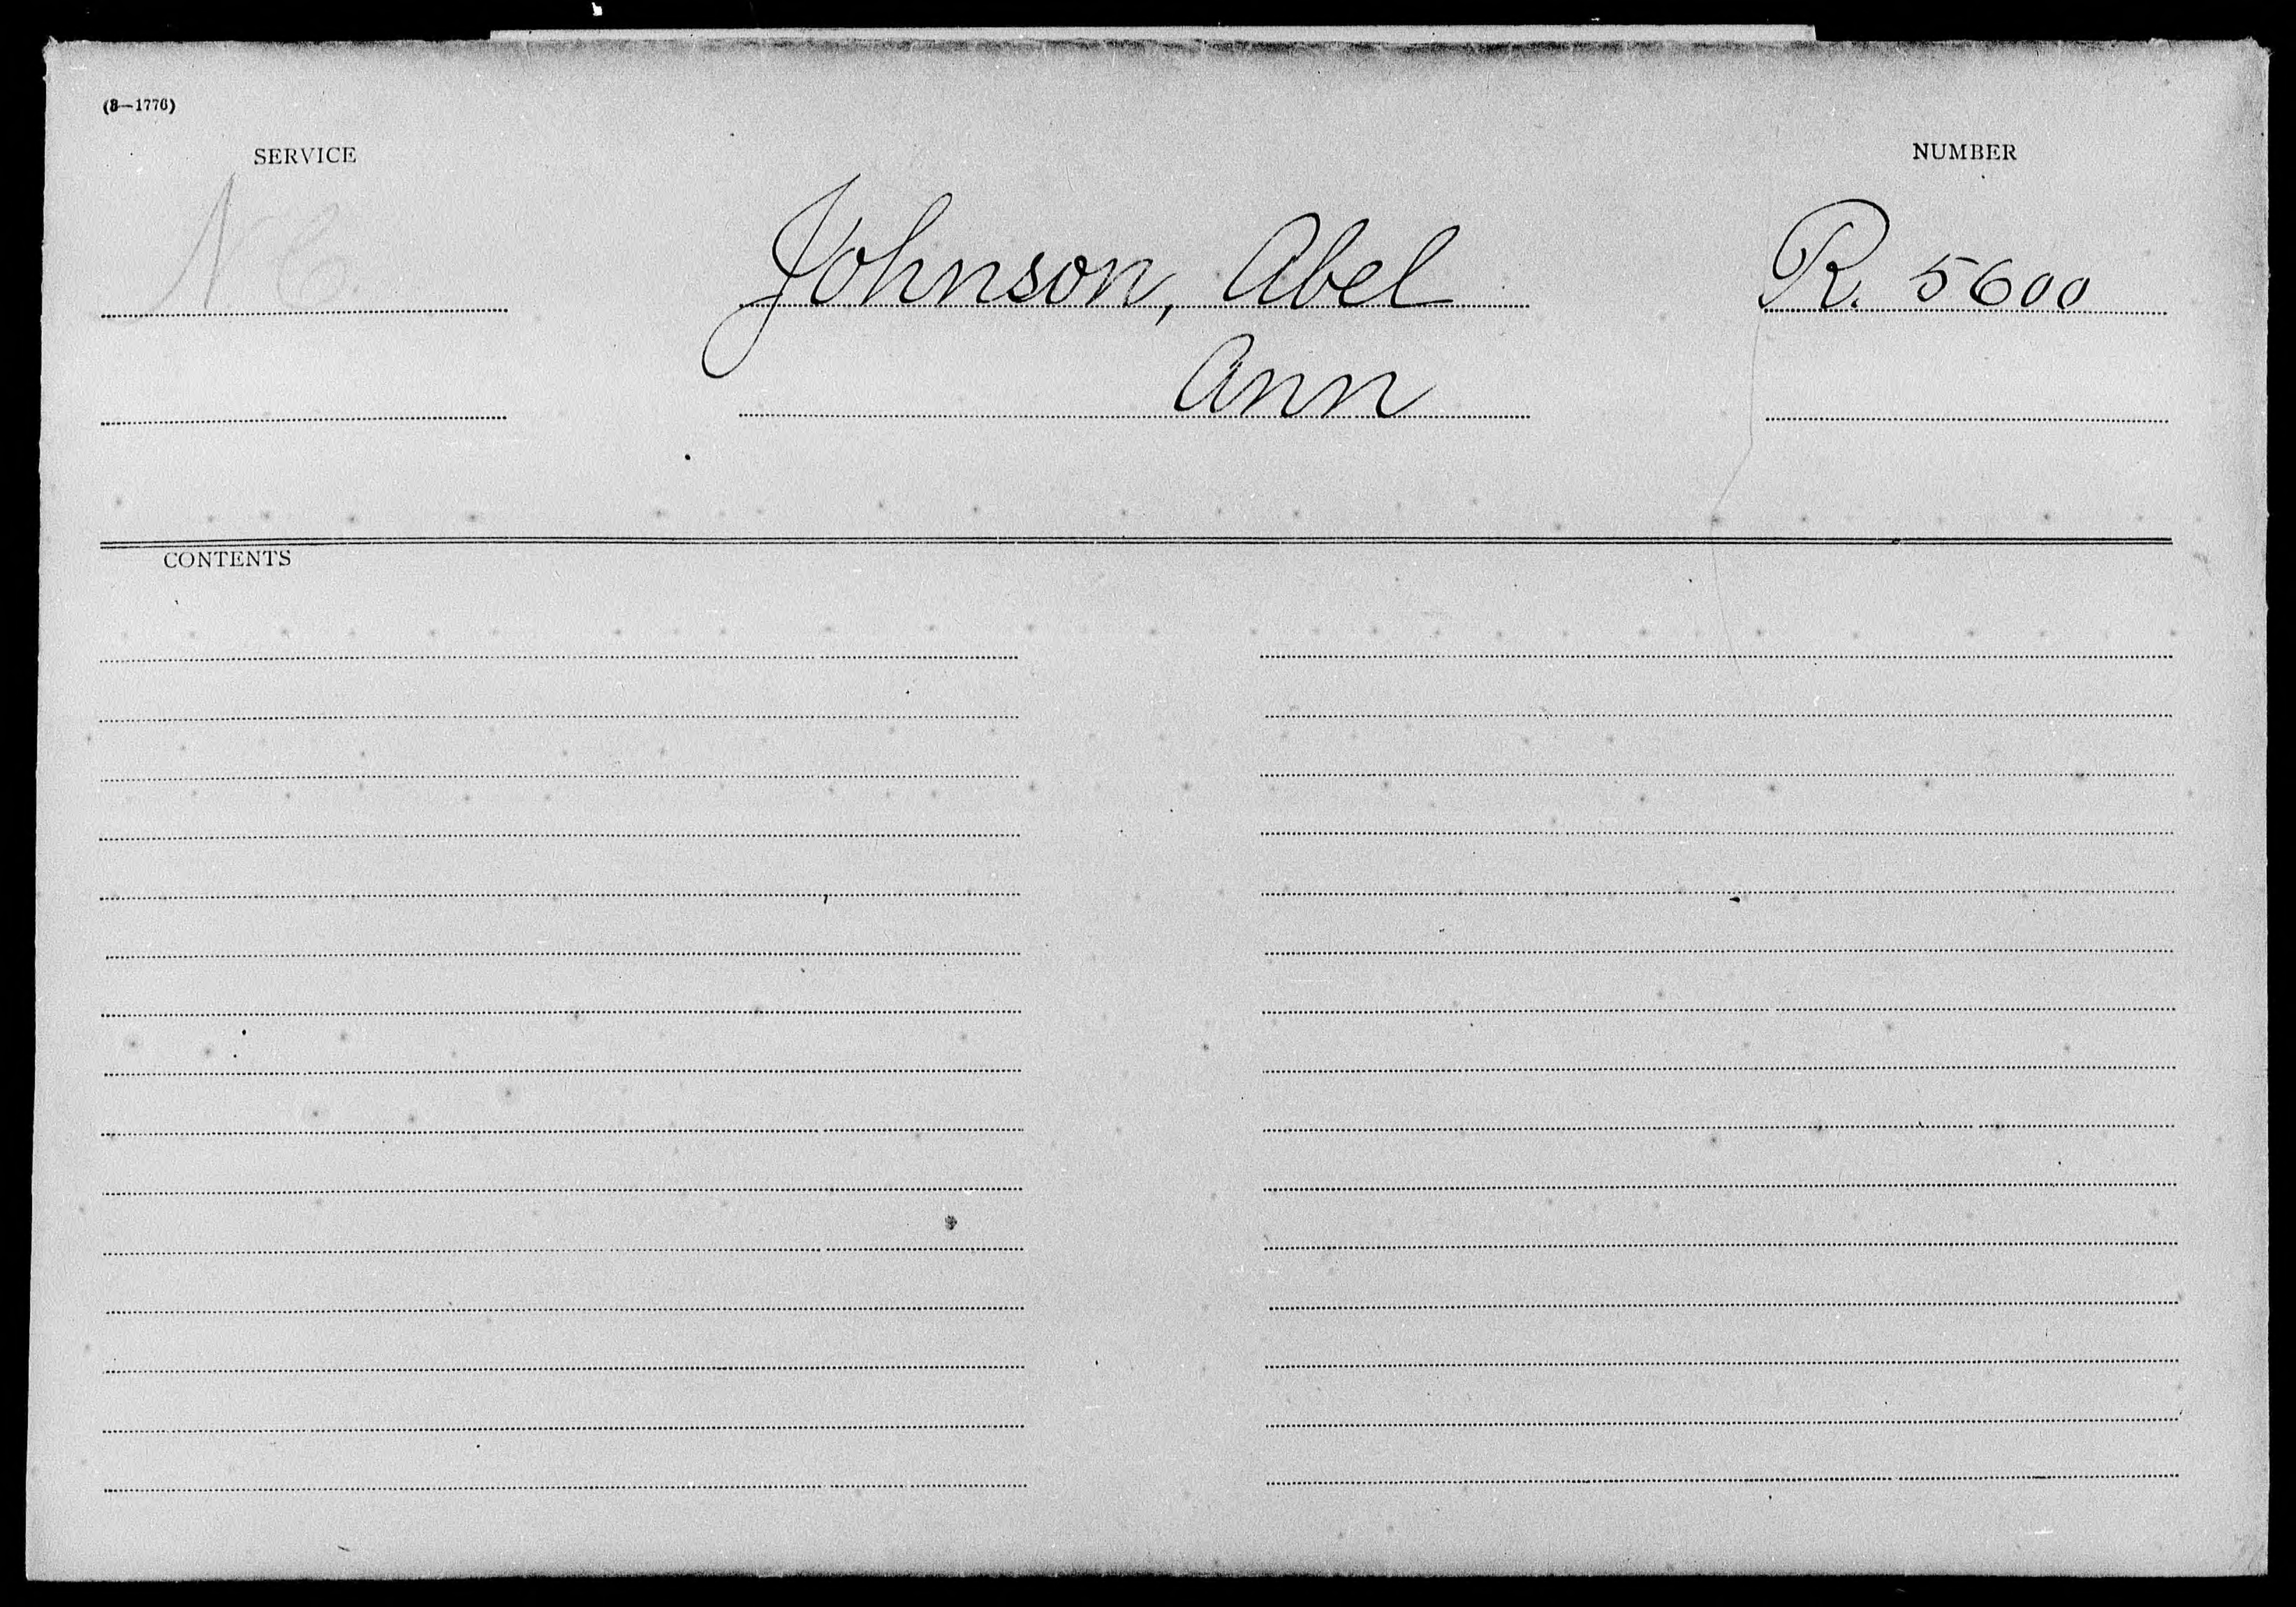(8-1776)
SERVICE
N.C.
Johnson, Abel
Ann
NUMBER
R.5600
CONTENTS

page: 1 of 74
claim: rejected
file: R. 5600, for Abel Johnson, North Carolina